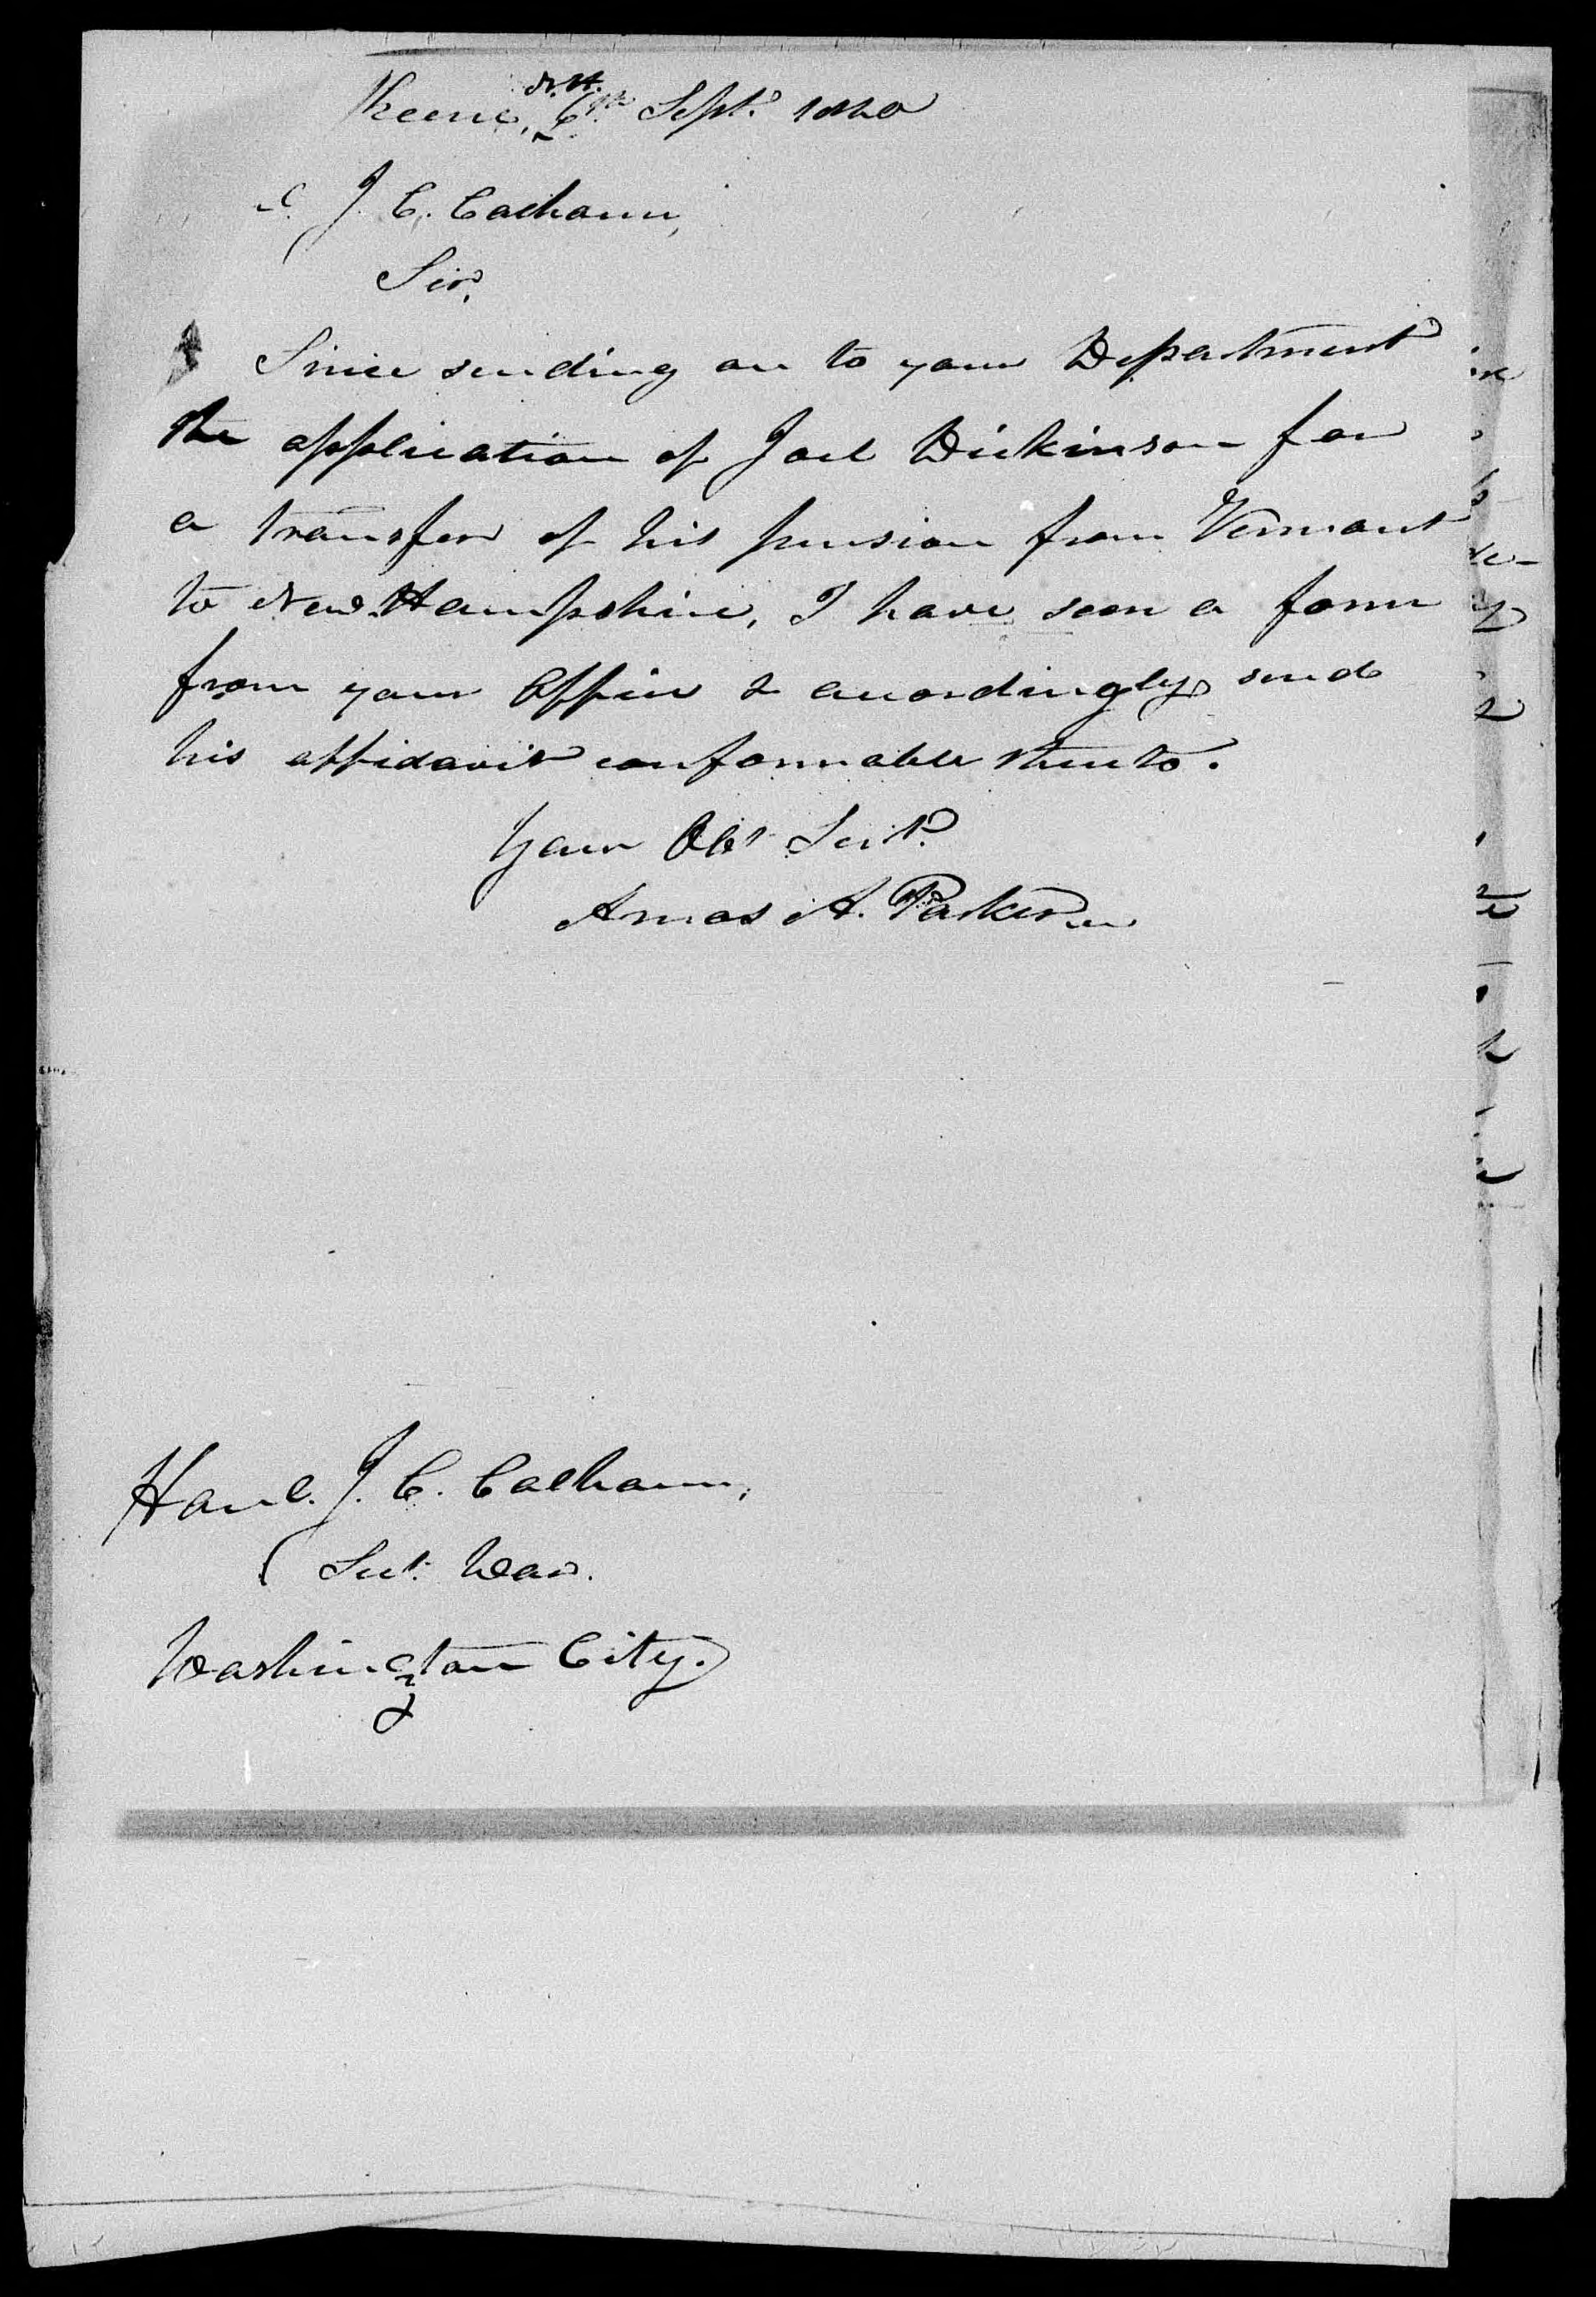Keene New Hampshire 6th September 1820
J.C. Calhoun
Sir
Since sending on to your Department
the application of Joel Dickinson for
a transfer of his pension from Vermont
to New Hampshire, I have seen a form
from your Office and accordingly send
his affidavit conformable thereto.
Your Obedient Servant
Amos A. Parker
Honorable J.C. Calhoun
Secretary of War
Washington City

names: J C Calhaun, Amos A Parker, J C Calhaun, Joel Dickinson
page: 18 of 31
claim: widow's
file: W. 22946, Joel Dickinson, Mass.